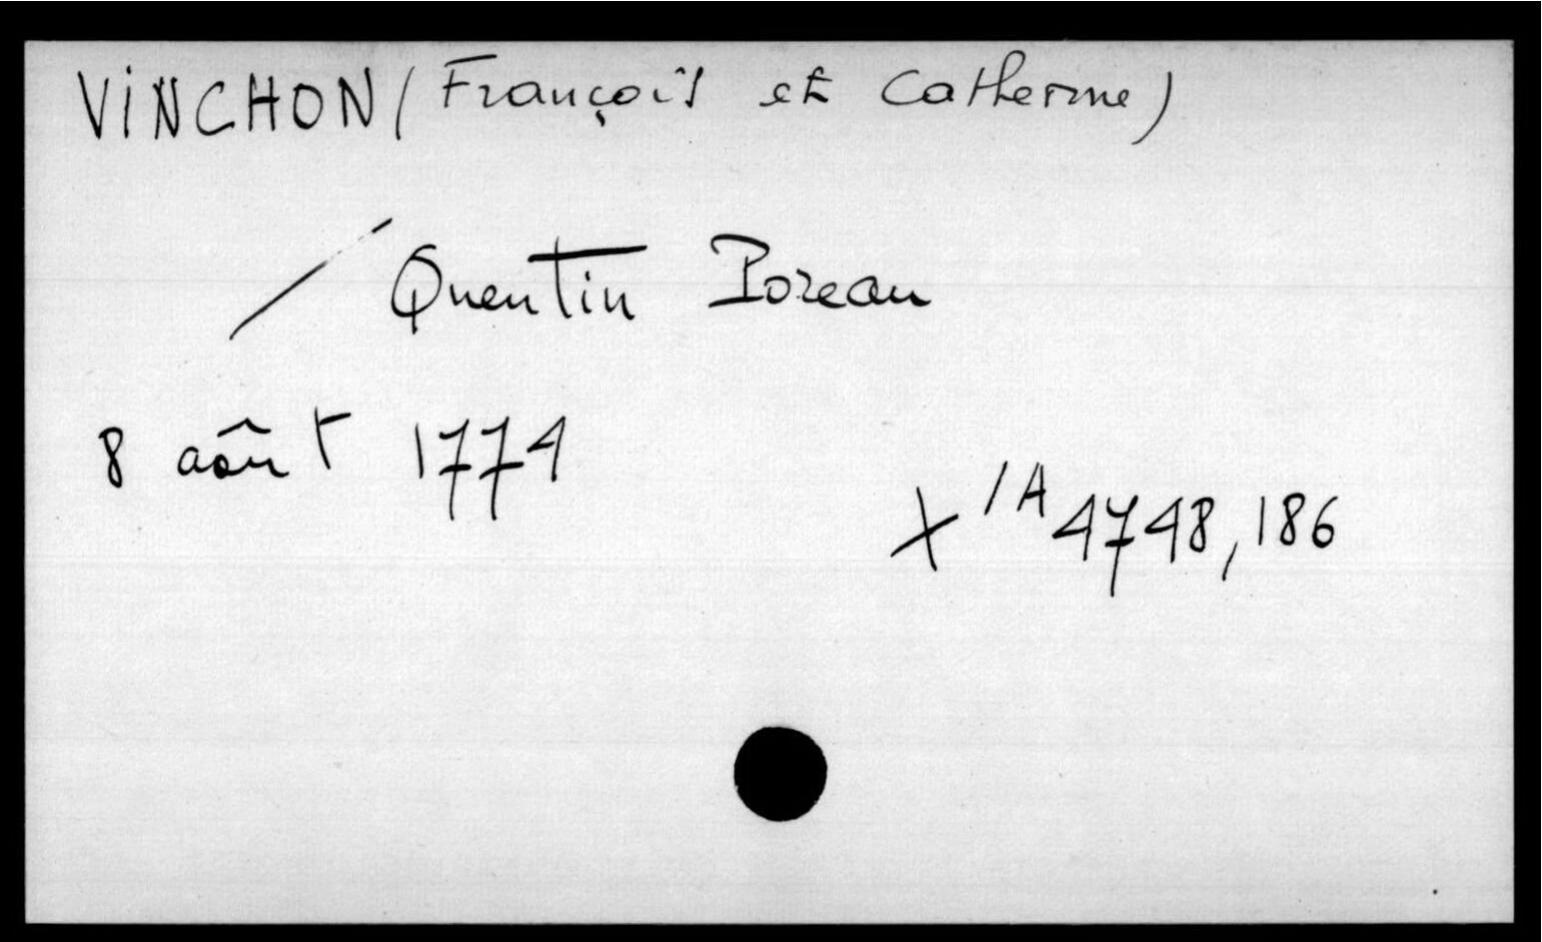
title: VINCHON (François et Catherine)
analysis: Contre Quentin Poreau
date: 8 août 1774
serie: X1A
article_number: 4748
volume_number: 186
